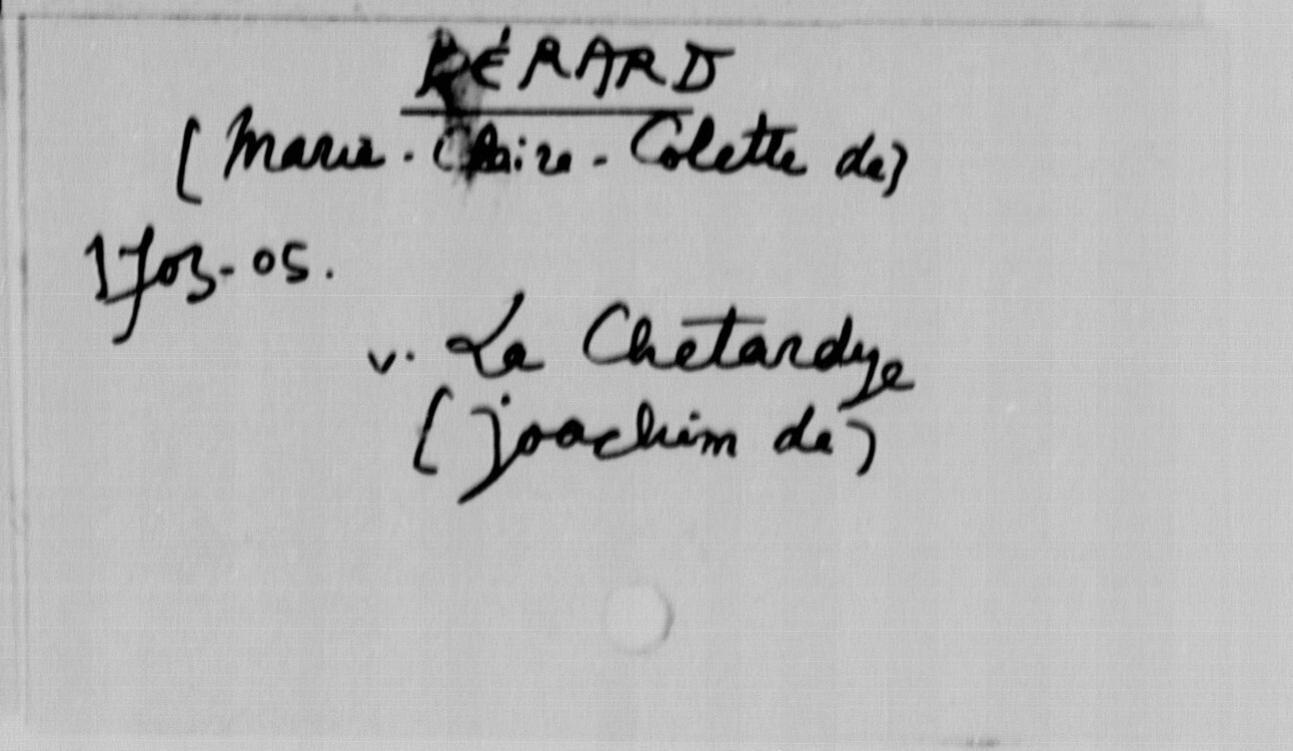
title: BÉRARD (Marie-CLaire-Colette de)
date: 1703-1705
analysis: Voir : LA CHÉTARDY (Joachim de)
